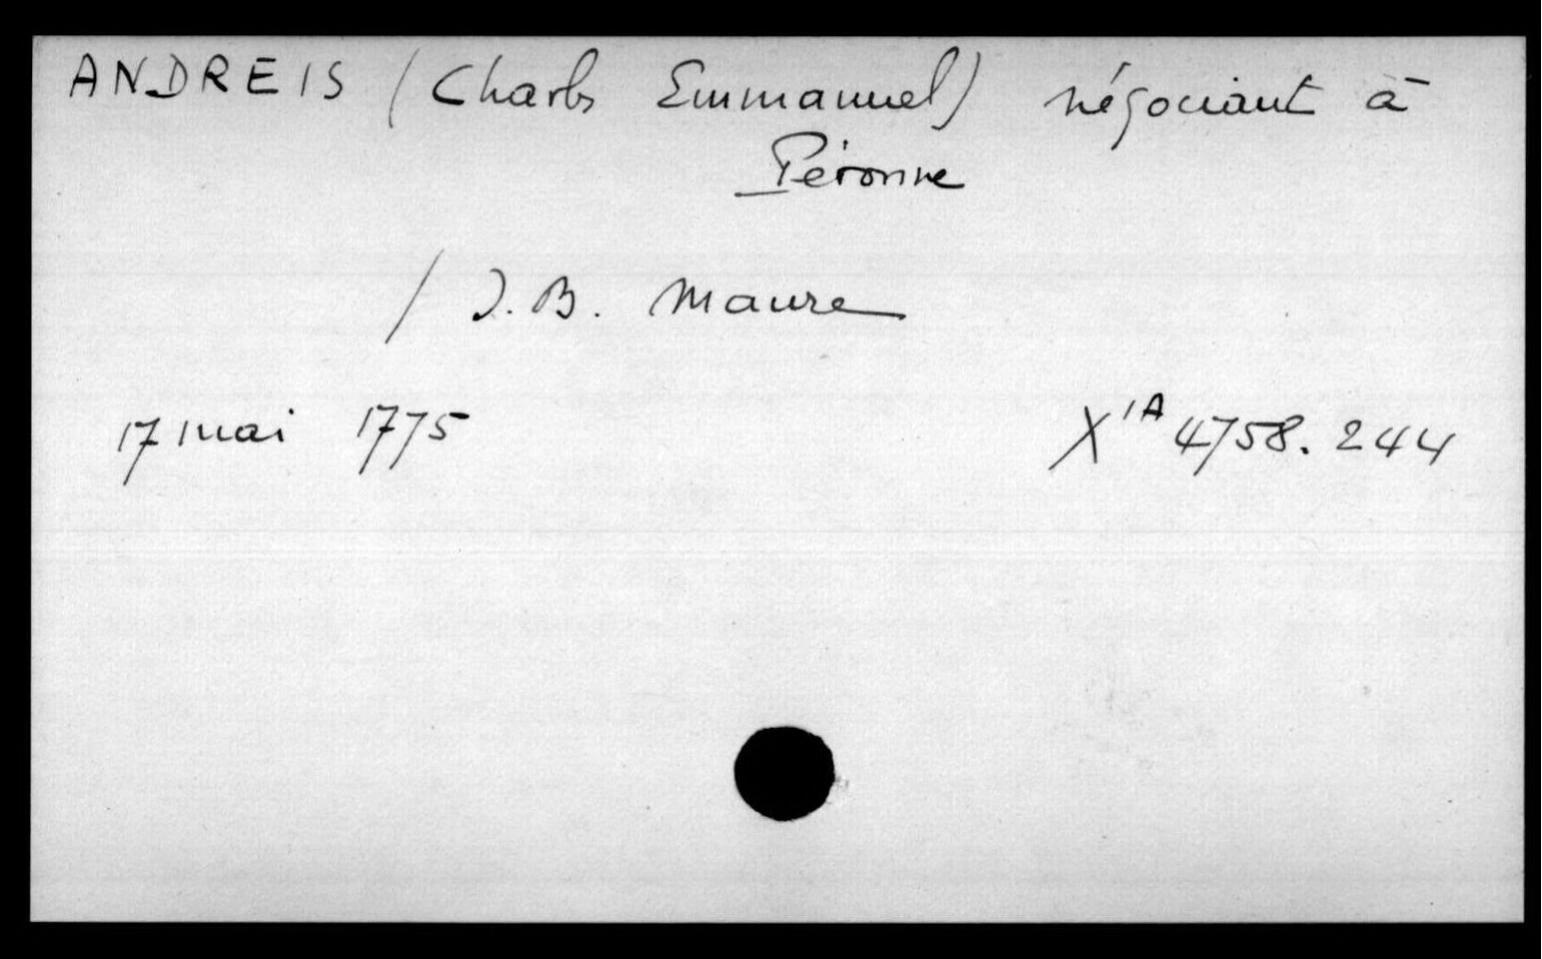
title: ANDREIS (Charles Emmanuel) négociant à Péronne
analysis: Contre Jean-Baptiste Maure
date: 17 mai 1775
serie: X1A
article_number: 4758
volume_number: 244
